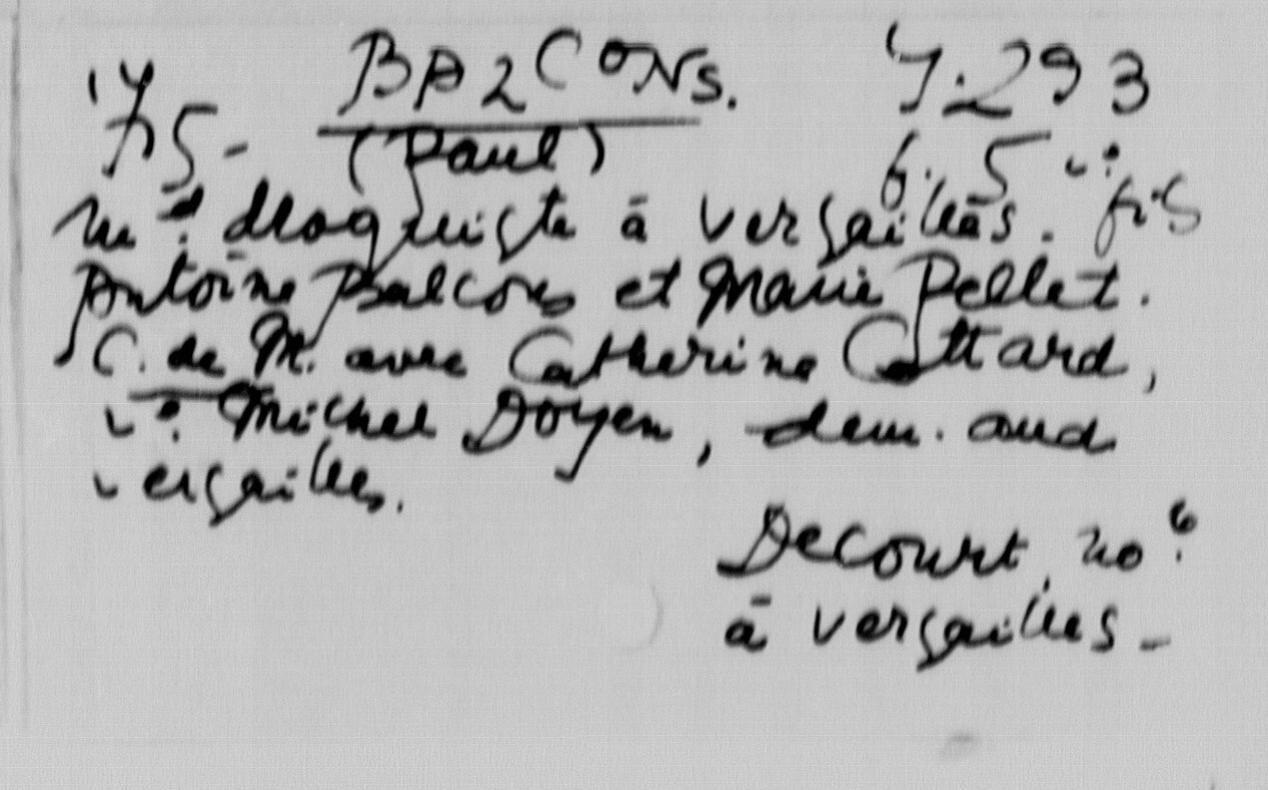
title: BALCONS (Paul)
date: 1715
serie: Y
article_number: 293
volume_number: folio 5 verso
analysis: marchand droguiste à Versailles, fils Antoine Balcons et Marie Pellet. Contrat de mariage avec Catherine Cottard, veuve Michel Doyen, demeurant aud versailles Decourt, notaire à Versailles
